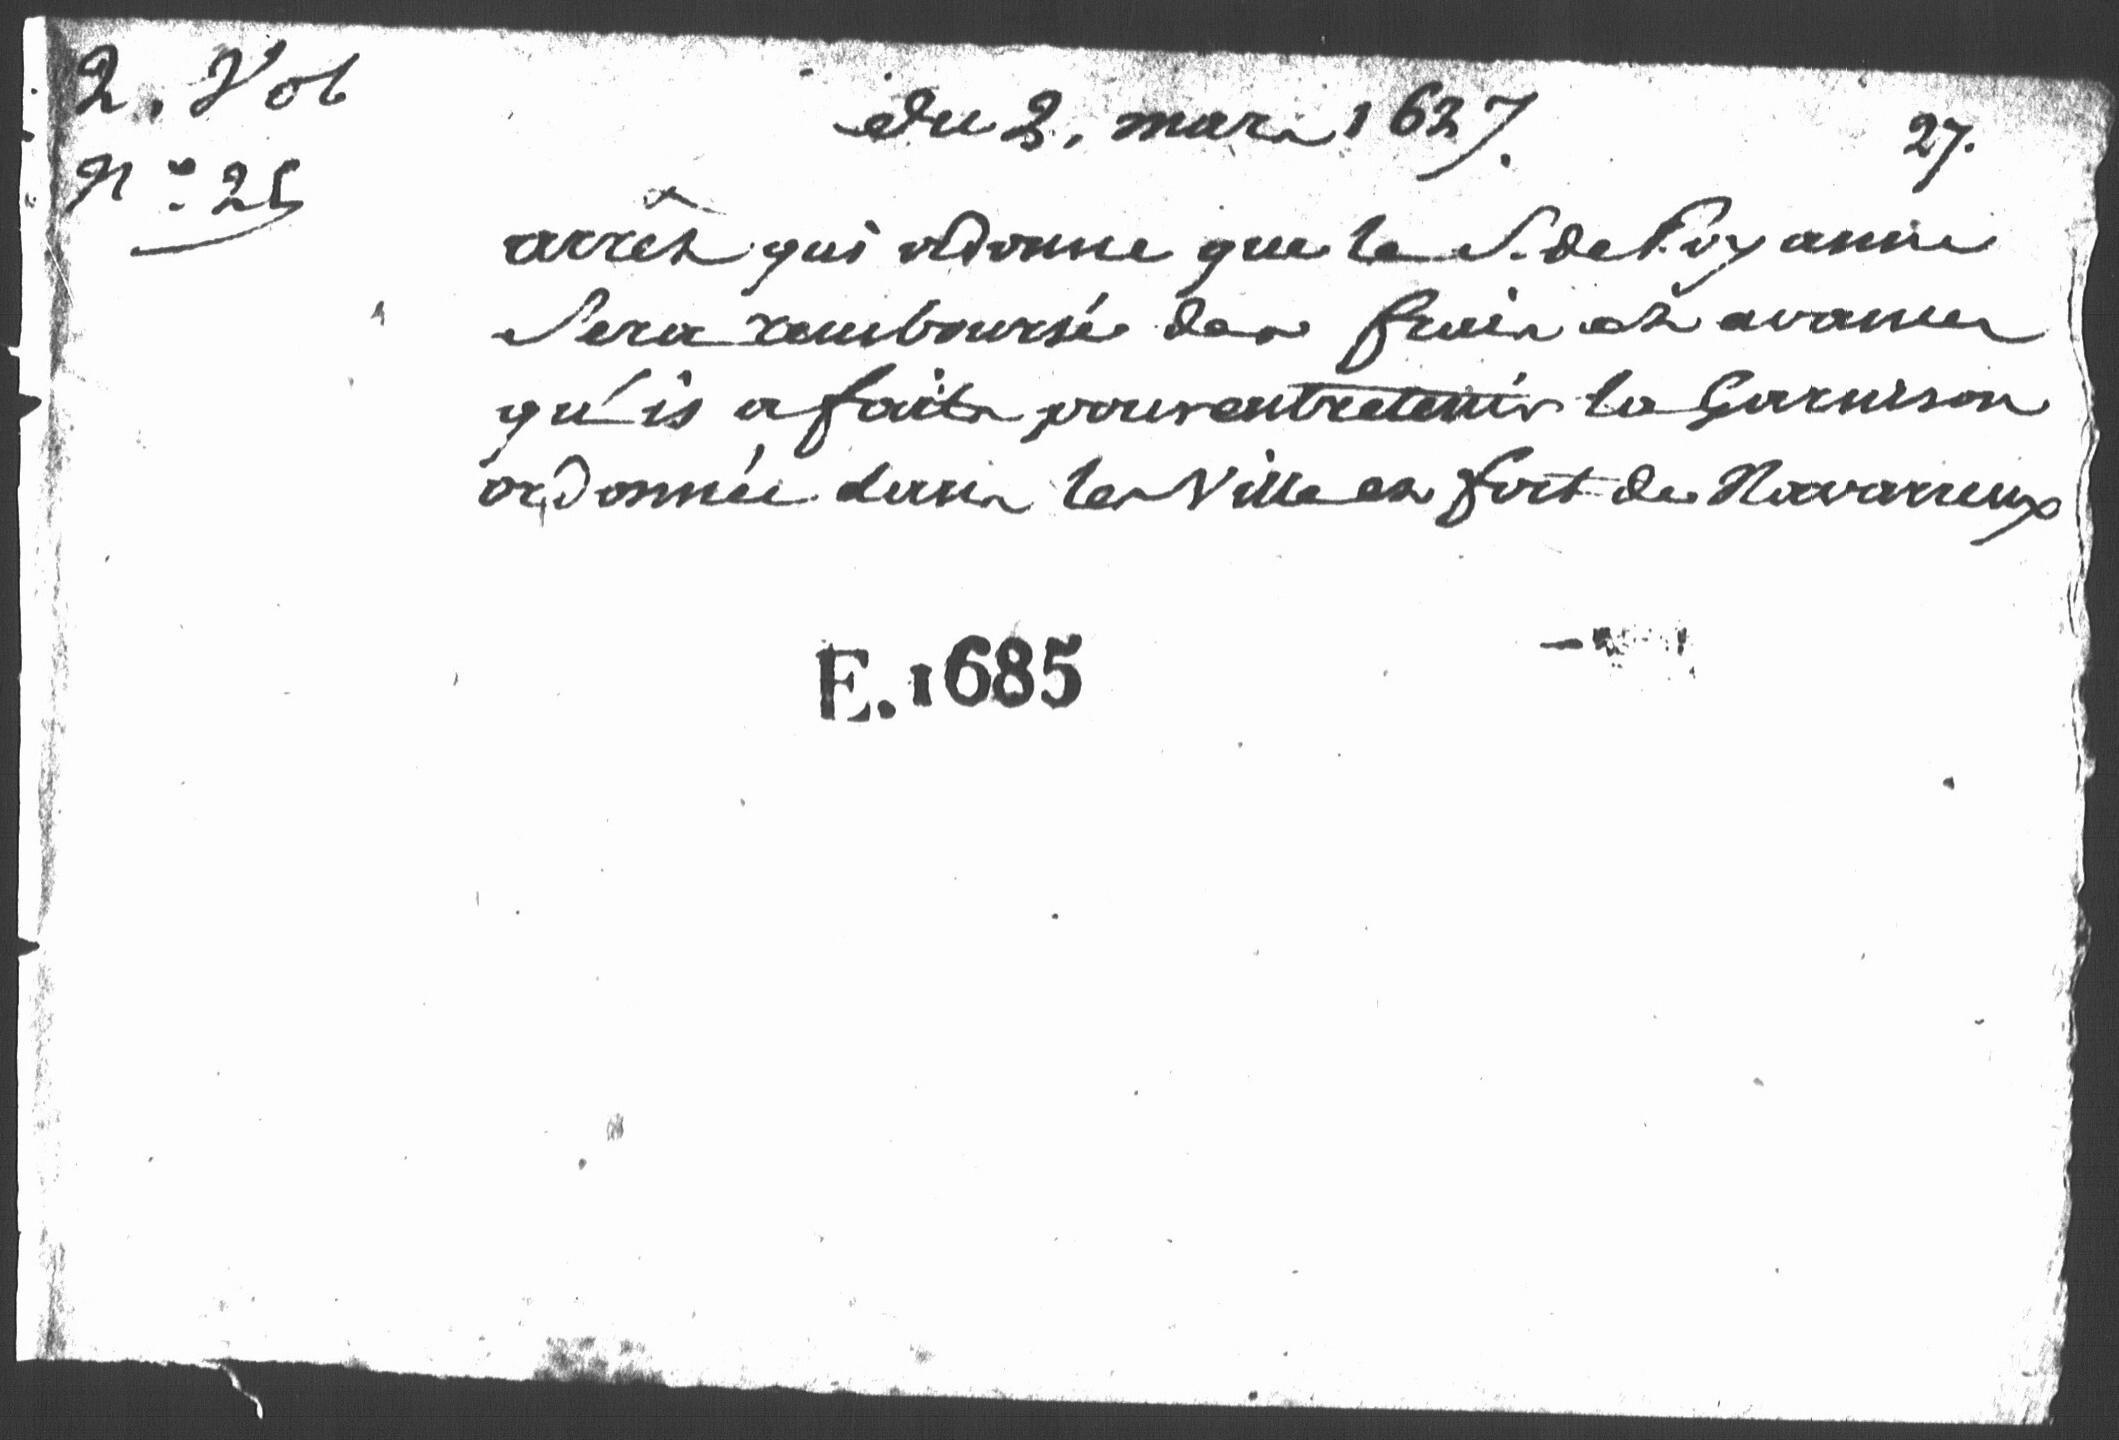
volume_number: n°25
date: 2 mars 1627
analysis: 27
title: arrêt qui ordonne que le S. de Poyanne sera remboursé des frais et avances qu'il a faits pour entretenir la garnison ordonnée dans les ville et fort de Navarrenx
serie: E
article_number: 1685
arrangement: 2. vol
